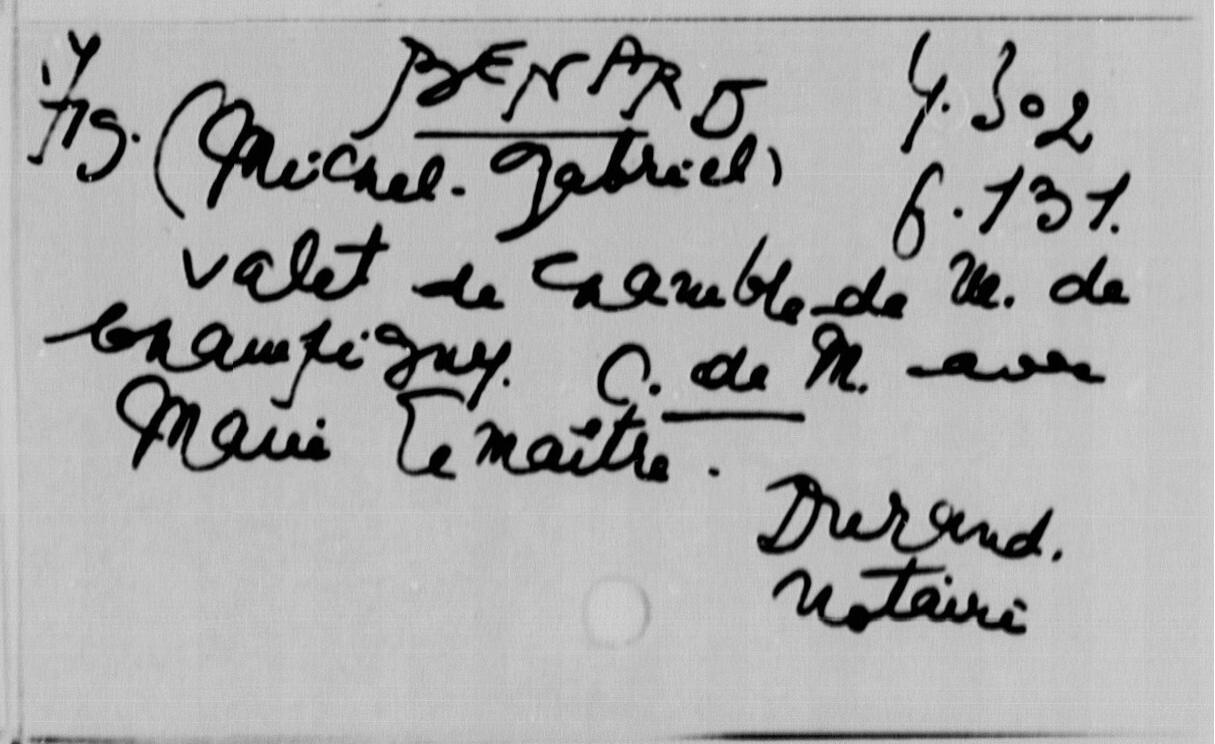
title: BENARD (Michel-Gabriel)
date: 1719
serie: Y
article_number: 302
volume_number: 131
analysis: Valet de chambre de Monsieur de Champigny. Contrat de mariage avec Marie Lemaître Durand, notaire
